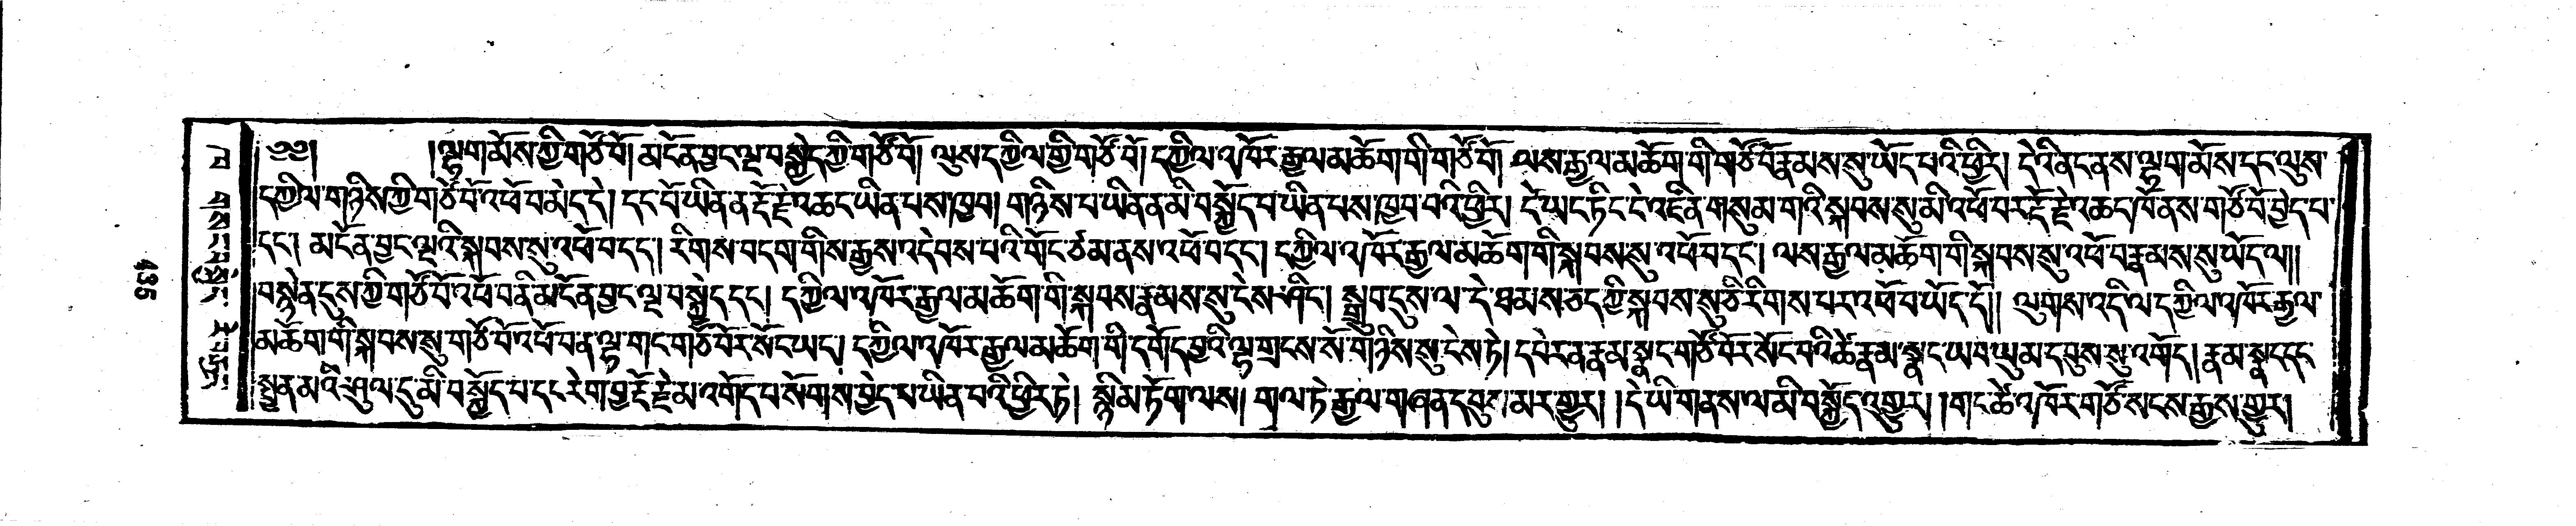༄༅། །ལྷག་མོས་ཀྱི་གཙོ་བོ། མངོན་བྱང་ལྔ་བསྐྱེད་ཀྱི་གཙོ་བོ། ལུས་དཀྱིལ་གྱི་གཙོ་བོ། དཀྱིལ་འཁོར་རྒྱལ་མཆོག་གི་གཙོ་བོ། ལས་རྒྱལ་མཆོག་གི་གཙོ་བོ་རྣམས་སུ་ཡོད་པའི་ཕྱིར། དེའི་ནང་ནས་ལྷག་མོས་དང་ལུས་
དཀྱིལ་གཉིས་ཀྱི་གཙོ་བོ་འཕོ་བ་མེད་དེ། དང་པོ་ཡིན་ན་རྡོ་རྗེ་འཆང་ཡིན་པས་ཁྱབ། གཉིས་པ་ཡིན་ན་མི་བསྐྱོད་པ་ཡིན་པས་ཁྱབ་པའི་ཕྱིར། དེ་ཡང་ཏིང་ངེ་འཛིན་གསུམ་གའི་སྐབས་སུ་མི་འཕོ་བར་རྡོ་རྗེ་འཆང་ཁོ་ནས་གཙོ་བོ་བྱེད་པ་
དང་། མངོན་བྱང་ལྔའི་སྐབས་སུ་འཕོ་བ་དང་། རིགས་བདག་གིས་རྒྱས་འདེབས་པའི་གོང་ཙམ་ནས་འཕོ་བ་དང་། དཀྱིལ་འཁོར་རྒྱལ་མཆོག་གི་སྐབས་སུ་འཕོ་བ་དང་། ལས་རྒྱལ་མཆོག་གི་སྐབས་སུ་འཕོ་བ་རྣམས་སུ་ཡོད་ལ། །
བསྙེན་དུས་ཀྱི་གཙོ་བོ་འཕོ་བ་ནི་མངོན་བྱང་ལྔ་བསྐྱེད་དང་། དཀྱིལ་འཁོར་རྒྱལ་མཆོག་གི་སྐབས་རྣམས་སུ་ངེས་ཤིང་། སྒྲུབ་དུས་ལ་དེ་ཐམས་ཅད་ཀྱི་སྐབས་སུ་ཅི་རིགས་པར་འཕོ་བ་ཡོད་དོ། །ལུགས་འདི་ལ་དཀྱིལ་འཁོར་རྒྱལ་
མཆོག་གི་སྐབས་སུ་གཙོ་བོ་འཕོ་བ་ན་ལྷ་གང་གཙོ་བོར་སོང་ཡང་། དཀྱིལ་འཁོར་རྒྱལ་མཆོག་གི་དགོད་བྱའི་ལྷ་གྲངས་སོ་གཉིས་སུ་ངེས་ཏེ། དཔེར་ན་རྣམ་སྣང་གཙོ་བོར་སོང་བའི་ཚེ་རྣམ་སྣང་ཡབ་ཡུམ་དབུས་སུ་འགོད། རྣམ་སྣང་དང་
སྤྱན་མའི་ཤུལ་དུ་མི་བསྐྱོད་པ་དང་རེག་བྱ་རྡོ་རྗེ་མ་འགོད་པ་སོགས་བྱེད་པ་ཡིན་པའི་ཕྱིར་ཏེ། སྙེམ་ཏོག་ལས། གལ་ཏེ་རྒྱལ་གཞན་དབུས་མར་གྱུར། །དེ་ཡི་གནས་ལ་མི་བསྐྱོད་འགྱུར། །གང་ཚེ་འཁོར་གཙོ་སངས་རྒྱས་གྱུར། །